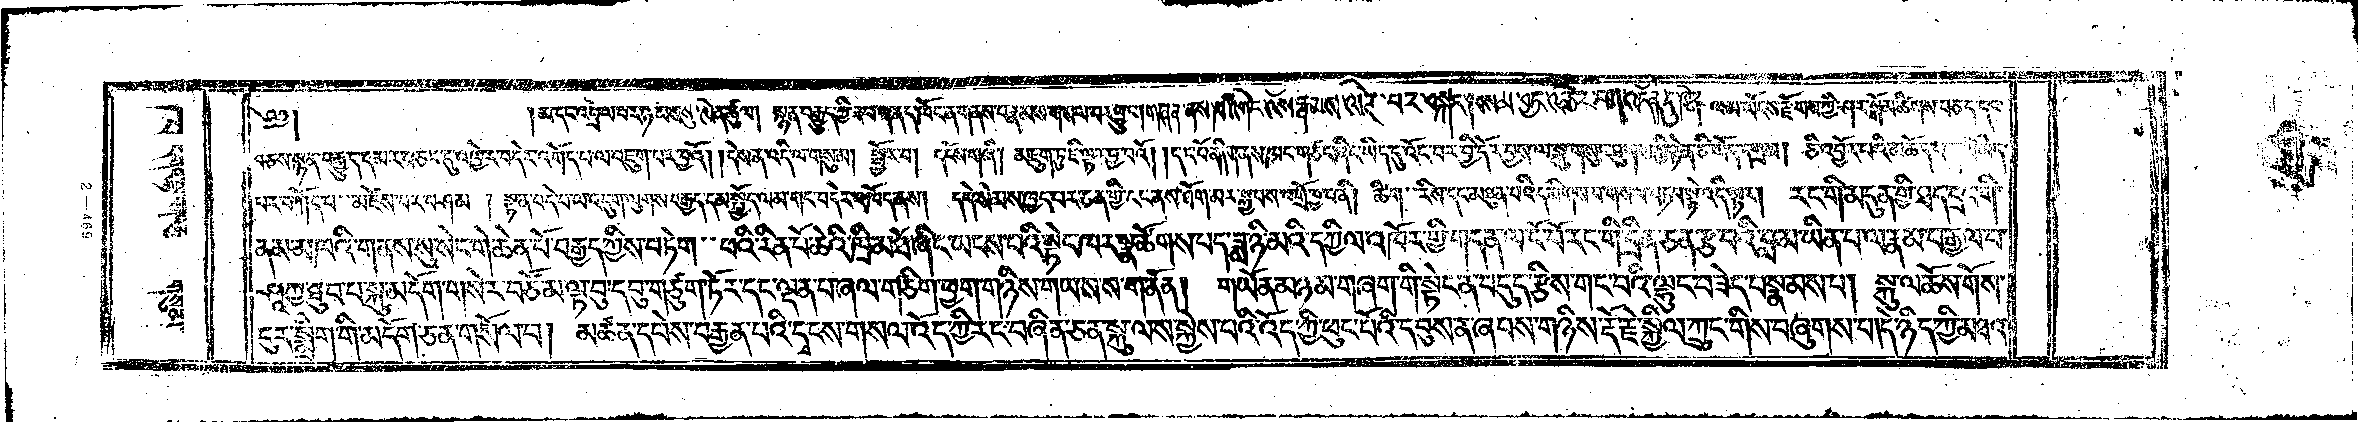༄༅། །མ་དང་འབྲེལ་བར་ཉམས་སུ་ལེན་ཚུལ། སྙན་བརྒྱུད་ཀྱི་ཟབ་གནད་ཁོང་ན་གནས་པ་རྣམས་གསལ་བར་གྱུར།  །གཞན་ནས་ཁ་འགེང་འོས་རྣམས་ལེཌ་པར་བསྐང་། །བསམ་བྱང་འཆེར་ངག་འདོན་དུ་ཁྱེར། ལམ་ཡོངས་རྫོགས་ཀྱི་ཤར་སྒོམ་ཚིགས་བཅད་དང་
བཅས་སྙན་བརྒྱུད་དམར་བཅད་དུ་འཁྱེར་བདེར་འགོད་པ་ལ་འཇུག་པར་བྱའོ། །དེས་ན་འདི་ལ་གསུམ། སྦྱོར་བ། དངོས་གཞི། མཇུག་ཏུ་ཇི་ལྟར་བྱ་བའོ། །དང་པོ་ནི། །གནས་ཁང་གཙང་ཞིང་ཡིད་དུ་འོང་བར་བྱི་དོར་བྱས་ལ་སྐུ་གསུང་ཐུགས་ཀྱི་རྟེན་ཅི་ཡོད་དགྲམ། ཅི་འབྱོར་བའི་མཆོད་ལ་གཡོ་མེད་
པར་བཀོད་པ་མཛེས་པར་བཤམ། སྟན་བདེ་པ་ལ་འདུག་ལུགས་བརྒྱད་དམ་སྤྱོད་ལམ་གང་བདེར་འཁོད་ནས། དགེ་སེམས་ཁྱད་པར་ཅན་གྱི་ངང་ནས་ཐོག་མར་སྐྱབས་འགྲོ་བྱ་བ་ནི། ཚིག་རིས་དང་མཐུན་པའི་དམིགས་བ་གསལ་བཏབ་སྟེ་འདི་ལྟར། རང་གི་མདུན་གྱི་ཐད་དྲང་གི་
ནམ་མཁའི་གནས་སུ་སེང་གེ་ཆེན་པོ་བརྒྱད་ཀྱིས་བཏེག་པའི་རིན་པོ་ཆེའི་ཁྲི་མཐོ་ཞིང་ཡངས་པའི་སྟེང་ཁར་སྣ་ཚོགས་པད་ཟླ་ཉི་མའི་དཀྱིལ་འཁོར་གྱི་གདན་ལ་ངོ་བོ་རང་གི་དྲིན་ཅན་རྩ་བའི་བླ་མ་ཡིན་པ་ལ་རྣམ་པ་རྒྱལ་བ་
ཤཱཀྱ་ཐུབ་པ་སྐུ་མདོག་གསེར་བཙོམ་ལྟ་བུ་དབུ་གཙུག་ཏོར་དང་ལྡན་པ་ཞལ་གཅིག་ཕྱག་གཉིས་གཡས་ས་གནོན། གཡོན་མཉམ་གཞག་གི་སྟེང་ན་བདུད་རྩིས་གང་བའི་ལྷུང་བཟེད་པ་རྣམས་པ། སྐུ་ལ་ཆོས་གོས་
ངུར་སྨྲིག་གི་མདོག་ཅན་གསོལ་བ། མཚན་དབེས་བརྒྱན་པའི་དྭངས་གསལ་འོད་ཀྱི་རང་བཞིན་ཅན་སྐུ་ལས་སྐྱེས་པའི་འོད་ཀྱི་ཕུང་པོའི་དབུས་ན་ཞབས་གཉིས་རྡོ་རྗེ་སྐྱིལ་ཀྲུང་གིས་བཞུགས་བ། དེ་ཉིད་ཀྱི་མཐའ་